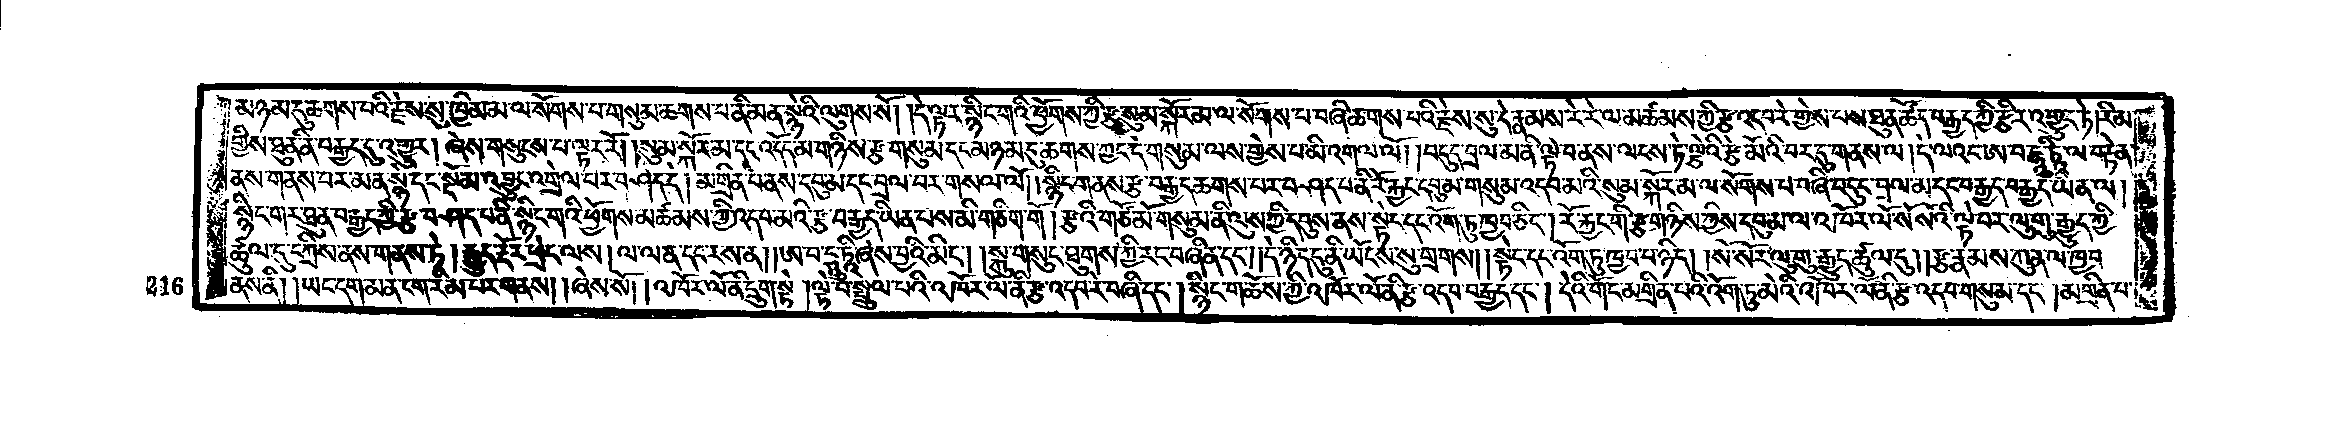མཉམ་དུ་ཆགས་པའི་རྗེས་སུ་ཁྱིམ་མ་ལ་སོགས་པ་གསུམ་ཆགས་པ་ནི་མན་སྙེའི་ལུགས་སོ། །དེ་ལྟར་སྙིང་གའི་ཕྱོགས་ཀྱི་རྩ་སུམ་སྐོར་མ་ལ་སོགས་པ་བཞི་ཆགས་པའི་རྗེས་སུ་དེ་རྣམས་རེ་རེ་ལ་མཚམས་ཀྱི་རྩ་འདབ་རེ་གྱེས་པས་ཐུན་ཚོད་བརྒྱད་ཀྱི་རྩིར་འགྱུར་ཏེ། རིམ་
གྱིས་ཐུན་ནི་བརྒྱད་དུ་འགྱུར། ཞེས་གསུངས་པ་ལྟར་རོ། །སུམ་སྐོར་མ་དང་འདོད་མ་གཉིས་རྩ་གསུམ་དང་མཉམ་དུ་ཆགས་ཀྱང་དེ་གསུམ་ལས་གྱེས་པ་མི་འགལ་ལོ། །བདུད་བྲལ་མ་ནི་ལྟེ་བ་ནས་ལངས་ཏེ་ལྕེའི་རྩེ་མོའི་བར་དུ་གནས་ལ། དེ་ལའང་ཨ་བ་དྷཱུ་ཏཱི་ལ་བརྟེན་
ནས་གནས་པར་མན་སྙེ་དང་སྡོམ་འབྱུང་འགྲེལ་པར་བཤད་དེ། མགྲིན་པ་ནས་དབུ་མ་དང་བྲལ་བར་གསལ་ལོ། །སྙིང་ནས་རྩ་བརྒྱད་ཆགས་པར་བཤད་པ་ནི་རོ་རྐྱང་དབུ་མ་གསུམ་འདབ་མའི་སུམ་སྐོར་མ་ལ་སོགས་པ་བཞི་བདུང་བྲལ་མ་དང་བརྒྱད་བརྒྱད་ཡིན་ལ།
སྙིང་གར་ཐུན་བརྒྱད་ཀྱི་རྩ་བཤད་པ་ནི་སྙིང་གའི་ཕྱོགས་མཚམས་ཀྱི་འདབ་མའི་རྩ་བརྒྱད་ཡིན་པས་མི་གཅིག་གོ །རྩའི་གཙོ་མོ་གསུམ་ནི་ལུས་ཀྱི་དབུས་ནས་སྟེང་དང་འོག་ཏུ་ཁྱབ་ཅིང་། རོ་རྐྱང་གི་རྩ་གཉིས་ཀྱིས་དབུ་མ་ལ་འཁོར་ལོ་སོ་སོའི་ལྟེ་བར་ལུ་གུ་རྒྱུད་ཀྱི་
ཚུལ་དུ་དཀྲིས་ནས་གནས་ཏེ། རྒྱུད་རྡོར་ཕྲེང་ལས། ལ་ལ་ན་དང་ར་ས་ན། །ཨ་བ་དྷཱུ་ཏཱི་ཞེས་བྱའི་མིང་། །སྐུ་གསུང་ཐུགས་ཀྱི་རང་བཞིན་དང་། །དེ་ཉིད་དུ་ནི་ཡོངས་སུ་གྲགས། །སྟེང་དང་འོག་ཏུ་ཁྱབ་པ་ཉིད། །སོ་སོར་ལུ་གུ་རྒྱུད་ཚུལ་དུ། །རྩ་རྣམས་ཀུན་ལ་ཁྱབ་
ནས་ནི། །ཡང་དག་མན་ངག་རིམ་པར་གནས། །ཞེས་སོ། །འཁོར་ལོ་ནི་དྲུག་སྟེ། ལྟེ་བ་སྤྲུལ་པའི་འཁོར་ལོ་ནི་རྩ་འདབ་རེ་བཞི་དང་། སྙིང་ག་ཆོས་ཀྱི་འཁོར་ལོ་ནི་རྩ་འདབ་བརྒྱད་དང་། དེའི་གོང་མགྲིན་པའི་འོག་ཏུ་མེའི་འཁོར་ལོ་ནི་རྩ་འདབ་གསུམ་དང་། མགྲིན་པ་